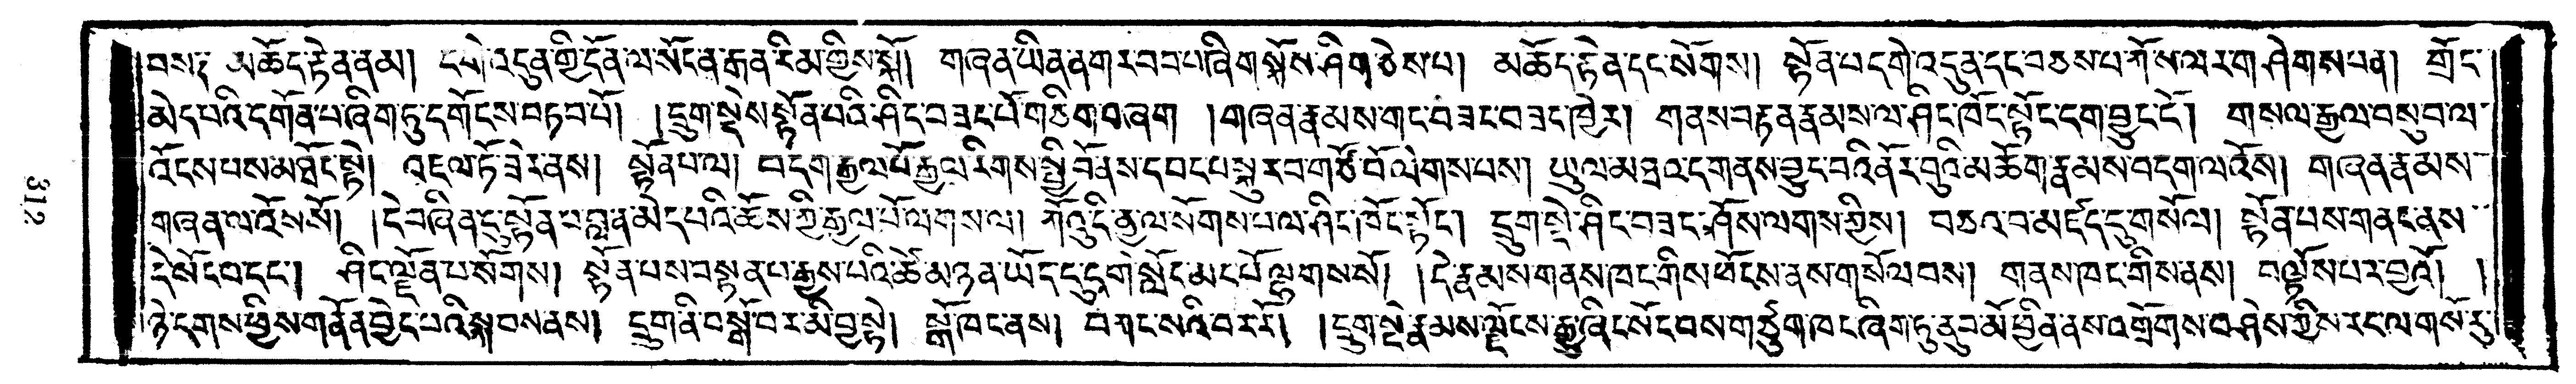བས༑ མཆོད་རྟེན་ནམ། དགེ་འདུན་གྱི་དོན་ལ་སོང་ན་རྒན་རིམ་གྱིས་སྐོ། གཞན་ཡིན་ན་གར་བབ་བ་ཞིག་སྐོས་ཤིག་ཅེས་པ། མཆོད་རྟེན་དང་སོགས། སྟོན་པ་དགེ་འདུན་དང་བཅས་པ་ཀོ་ས་ལར་གཤེགས་པན། གྲོང་
མེད་པའི་དགོན་པ་ཞིག་ཏུ་དགོངས་བཏབ་པོ། །དྲུག་སྡེས་སྟོན་པའི་ཤིང་བཟང་པོ་གཅིག་བཞག །གཞན་རྣམས་གང་བཟང་བཟང་ཁྱེར། གནས་བརྟན་རྣམས་ལ་ཤིང་ཁོང་སྟོང་དག་བྱུང་ངོ། གསལ་རྒྱལ་བསུ་བ་ལ་
འོངས་པས་མཐོང་སྟེ། འཇལ་ཏོ་ཟེར་ནས། སྟོན་པ་ལ། བདག་རྒྱལ་པོ་རྒྱལ་རིགས་སྤྱི་བོ་ནས་དབང་བསྐུར་བ་གཙོ་བོ་ལེགས་པས། ཡུལ་མཐའ་དག་ནས་བྱུང་བའི་ནོར་བུའི་མཆོག་རྣམས་བདག་ལ་འོས། གཞན་རྣམས་
གཞན་ལ་འོས་སོ། །དེ་བཞིན་དུ་སྟོན་པ་བླ་ན་མེད་པའི་ཆོས་ཀྱི་རྒྱལ་པོ་ལགས་ལ། ཀོའུ་དི་ཉ་ལ་སོགས་པ་ལ་ཤིང་ཁོང་སྟོང་། དྲུག་སྡེ་ཤིང་བཟང་ཤོས་ལགས་ཀྱིས། བཅའ་བ་མཛད་དུ་གསོལ། སྟོན་པས་གནང་ནས་
དེ་སོང་བ་དང་། ཤིང་ལྗོན་པ་སོགས། སྟོན་པས་བསྟན་པ་རྒྱས་པའི་ཚེ་མཉན་ཡོད་དུ་དགེ་སློང་མང་པོ་ལྷགས་སོ། །དེ་རྣམས་གནས་ཁང་གིས་ཕོངས་ནས་གསོལ་བས། གནས་ཁང་གིས་ནས། བལྟོས་པར་བྱའོ། །
ཉེ་དགས་ཕྱིས་གནོན་བྱེད་པའི་སྐབས་ནས། དྲུག་ནི་བསྒོ་བར་མི་བྱ་སྟེ། སྒོ་ཁང་ནས། བཀང་སའི་བར་རོ། །དྲུག་སྡེ་རྣམས་ལྗོངས་རྒྱུ་ཞིང་སོང་བས་གཙུག་ཁང་ཞིག་ཏུ་ནུབ་མོ་ཕྱིན་ནས་འགྲོགས་བཤེས་ཀྱིས་རང་ལ་གསོ་རུ་